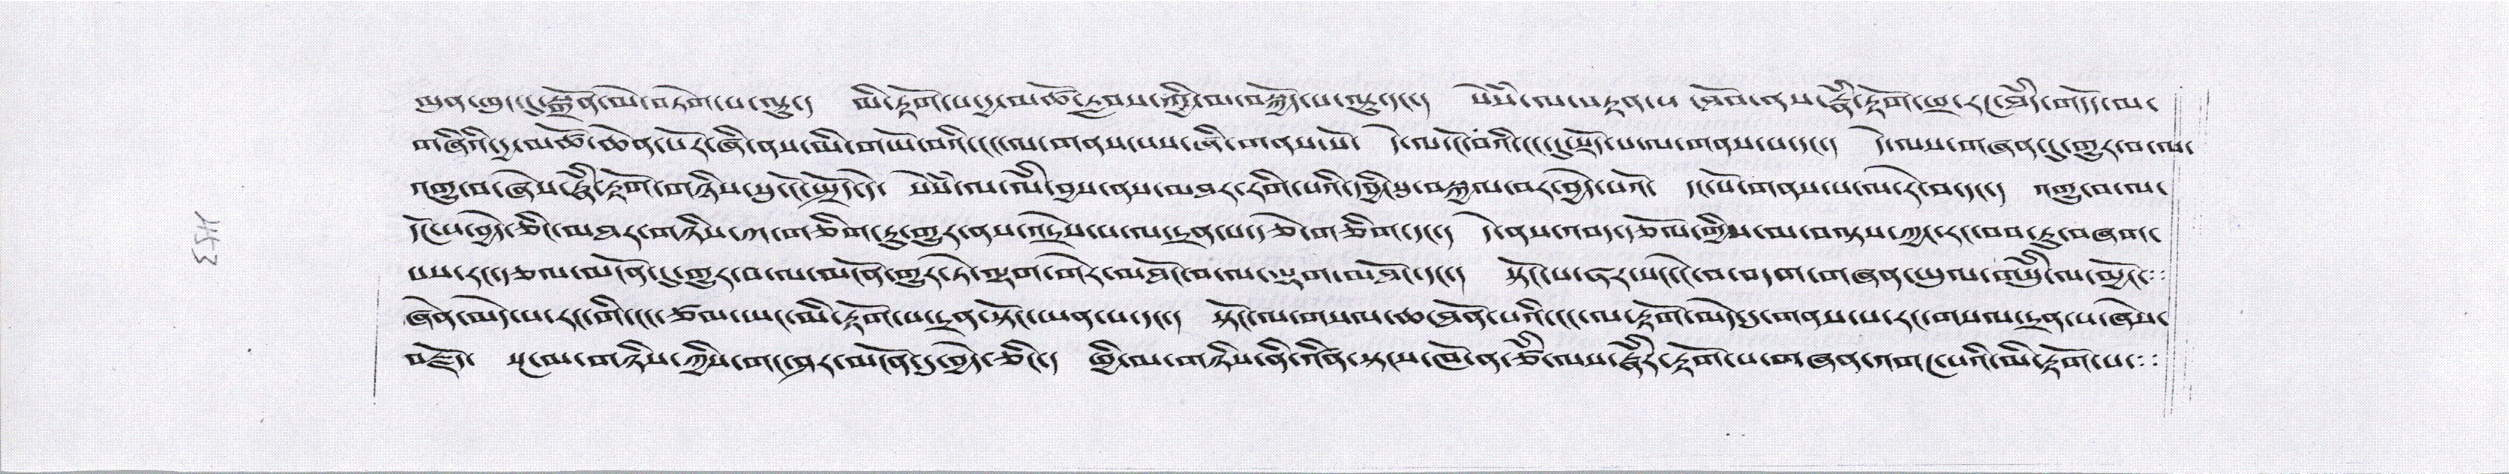མུན་ཁུང་དུ་སྒྲོན་མེ་བཏེགས་པ་ལྟ་བུ། མི་རྟོག་པ་རྒྱ་མཚོ་རླབས་ཀྱིས་མ་བསྐྱོད་པ་ལྟ་བུ། སེམས་ལ་བརྟན་པ་ཐོབ་ནས་རྣམ་རྟོག་ཕྲ་རགས་ཐམས་ཅད་གདོད་མ་
གཞིའི་རྒྱ་མཚོ་ཆེན་པོར་ཞི་ནས་མི་གཡོ་བའི་ངང་ལ་གནས་པས་ཞི་གནས་སོ། དེ་ལ་ངོ་བོའི་ངང་དུ་སྡོད་པ་ལ་གནས་པ་དང་། དེ་ལས་གཞན་དུ་གྱུར་པ་ལ་
འགྱུ་བ་ཞེས་རྣམ་རྟོག་གཉིས་སུ་ངོ་སྤྲོད་དེ། སེམས་ལ་ལམ་བྱས་ནས་མཐར་རིག་པའི་དབྱིངས་སུ་བསྐྱལ་བར་བྱེད་པའོ། དང་པོ་གནས་པ་ལ་རེ་བ་དང་། འགྱུ་བ་ལ་
དྭོགས་པ་བྱེད་ཅིང་མཐར་གཉིས་ཀ་གཅིག་ཏུ་གྱུར་ནས་འདྲེས་པ་ལ་དྲན་པ་རྩེ་གཅིག་དང་། དེ་ནས་འབད་རྩོལ་གྱིས་མ་བལྟས་ཀྱང་རབ་བབ་ཏུ་བཞག་
པས་རང་རྩལ་མངོན་དུ་གྱུར་པ་ལ་མངོན་གྱུར་ཏེ་ལྷག་གེར་མཐོང་བ་ལ་ལྷག་མཐོང་དང་། སྟོང་པ་ཧར་སང་ངེ་བ་བདག་གཞན་ཡུལ་གསུམ་ལ་མྱོང་
ཞེན་མེད་པ་རང་གི་རང་གི་ངང་ཙམ་ཡང་མི་རྟོག་པ་དྲན་སྟོང་ཡན་པ་དང་། སྟོང་ལ་གསལ་ཆ་ཐོན་པའི་ངང་ལ་རྟོག་མེད་དུ་གནས་པ་རང་གསལ་དྲན་པ་ཞེས་
བརྗོད། སྔ་མ་གཉིས་ཀྱིས་གང་ཤར་མངོན་དུ་བྱེད་ཅིང་། ཕྱི་མ་གཉིས་ནི་འཛིན་སྟངས་ཁོ་ན་ཙམ་ལས་རྣམ་པར་རྟོག་པ་གཞན་འགགས་པའི་མི་རྟོག་པ་